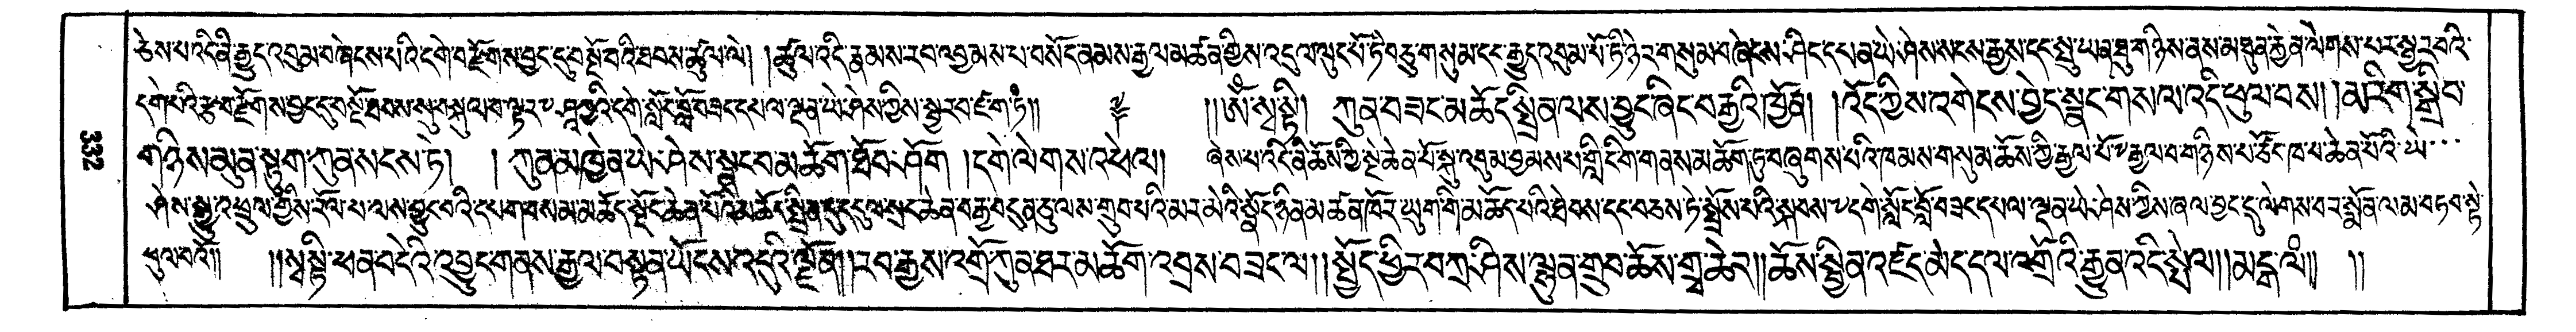ཅེས་པ་འདི་ནི་རྒྱུད་འབུམ་བཞེངས་པའི་དགེ་བ་རྫོགས་བྱང་དུ་བསྔོ་བའི་ཐབས་ཚུལ་ལོ། །ཚུལ་འདི་རྣམས་རབ་འབྱམས་པ་བསོད་ནམས་རྒྱལ་མཚན་གྱིས་འདུལ་ལུང་པོ་ཏི་བཅུ་གསུམ་དང་རྒྱུད་འབུམ་བོ་ཏི་ཉེར་གསུམ་བཞེངས་ཤིང་དཔོན་ཡེ་ཤེས་སངས་རྒྱས་དང་སྦུ་ཡན་ཐུ་གཉིས་ནས་མཐུན་རྐྱེན་ལེགས་པར་སྦྱར་བའི་
དགེ་བའི་རྩ་བ་རྫོགས་བྱང་དུ་བསྔོ་ཐབས་སུ་བསྐུལ་བ་ལྟར ༧་ཤཱཀྱའི་དགེ་སློང་བློ་བཟང་དཔལ་ལྡན་ཡེ་ཤེས་ཀྱིས་སྦྱར་བ་ཛ་ག་ཏཾ།། ༈ །།ཨོཾ་སྭསྟི། ཀུན་བཟང་མཆོད་སྤྲིན་ལས་བྱུང་ཞིང་བརྒྱའི་ཁྱོན། །འོད་ཀྱིས་འགེངས་བྱེད་སྣང་གསལ་འདི་ཕུལ་བས། །མ་རིག་སྒྲིབ་
གཉིས་མུན་སྟུག་ཀུན་སངས་ཏེ། །ཀུན་མཁྱེན་ཡེ་ཤེས་སྣང་བ་མཆོག་ཐོབ་ཤོག །དགེ་ལེགས་འཕེལ། ཞེས་བ་འདི་ནི་ཆོས་ཀྱི་སྡེ་ཆེན་པོ་སྐུ་འབུམ་བྱམས་པ་གླིང་གི་གནས་མཆོག་ཏུ་བཞུགས་པའི་ཁམས་གསུམ་ཚོས་ཀྱི་རྒྱལ་པོ ༧་རྒྱལ་བ་གཉིས་པ་ཙོང་ཁ་པ་ཆེན་པོའི་ཡེ་
ཤེས་སྒྱུ་འཕྲལ་གྱིས་རོལ་པ་ལས་བྱུང་བའི་དཔག་བསམ་མཆོད་སྡོང་ཆེན་པོའི་མཆོད་སྤྲིན་དུ་དངུལ་སྲང་ཆེན་བརྒྱ་བདུན་ཅུ་ལས་གྲུབ་པའི་མར་མེའི་སྣོད་ཉིན་མཚན་ཁོར་ཡུག་གི་མཆོད་པའི་ཐེབས་དང་བཅས་ཏེ་སྤྲོས་པའི་སྐབས ༧་དགེ་སློང་བློ་བཟང་དང་ལ་ལྡན་ཡེ་ཤེས་ཀྱིས་ཞལ་བྱང་དུ་ལེགས་པར་སྨོན་ལམ་བཏབ་སྟེ་
ཕུལ་བའོ།། །།སྭསྟི་ཕན་བདེའི་འབྱུང་གནས་རྒྱལ་བསྟན་ཡོངས་འདུའི་ལྗོན། །རབ་རྒྱས་འགྲོ་ཀུན་ཐར་མཆོག་འབྲས་བཟང་ལ། །སྤྱོད་ཕྱིར་བཀྲ་ཤིས་ལྷུན་གྲུབ་ཆོས་གྲྭ་ཆེར། །ཆོས་སྦྱིན་འཛད་མད་དལ་འགྲོའི་རྒྱུན་འདི་སྤེལ། །མངྒ་ལཾ།། །།